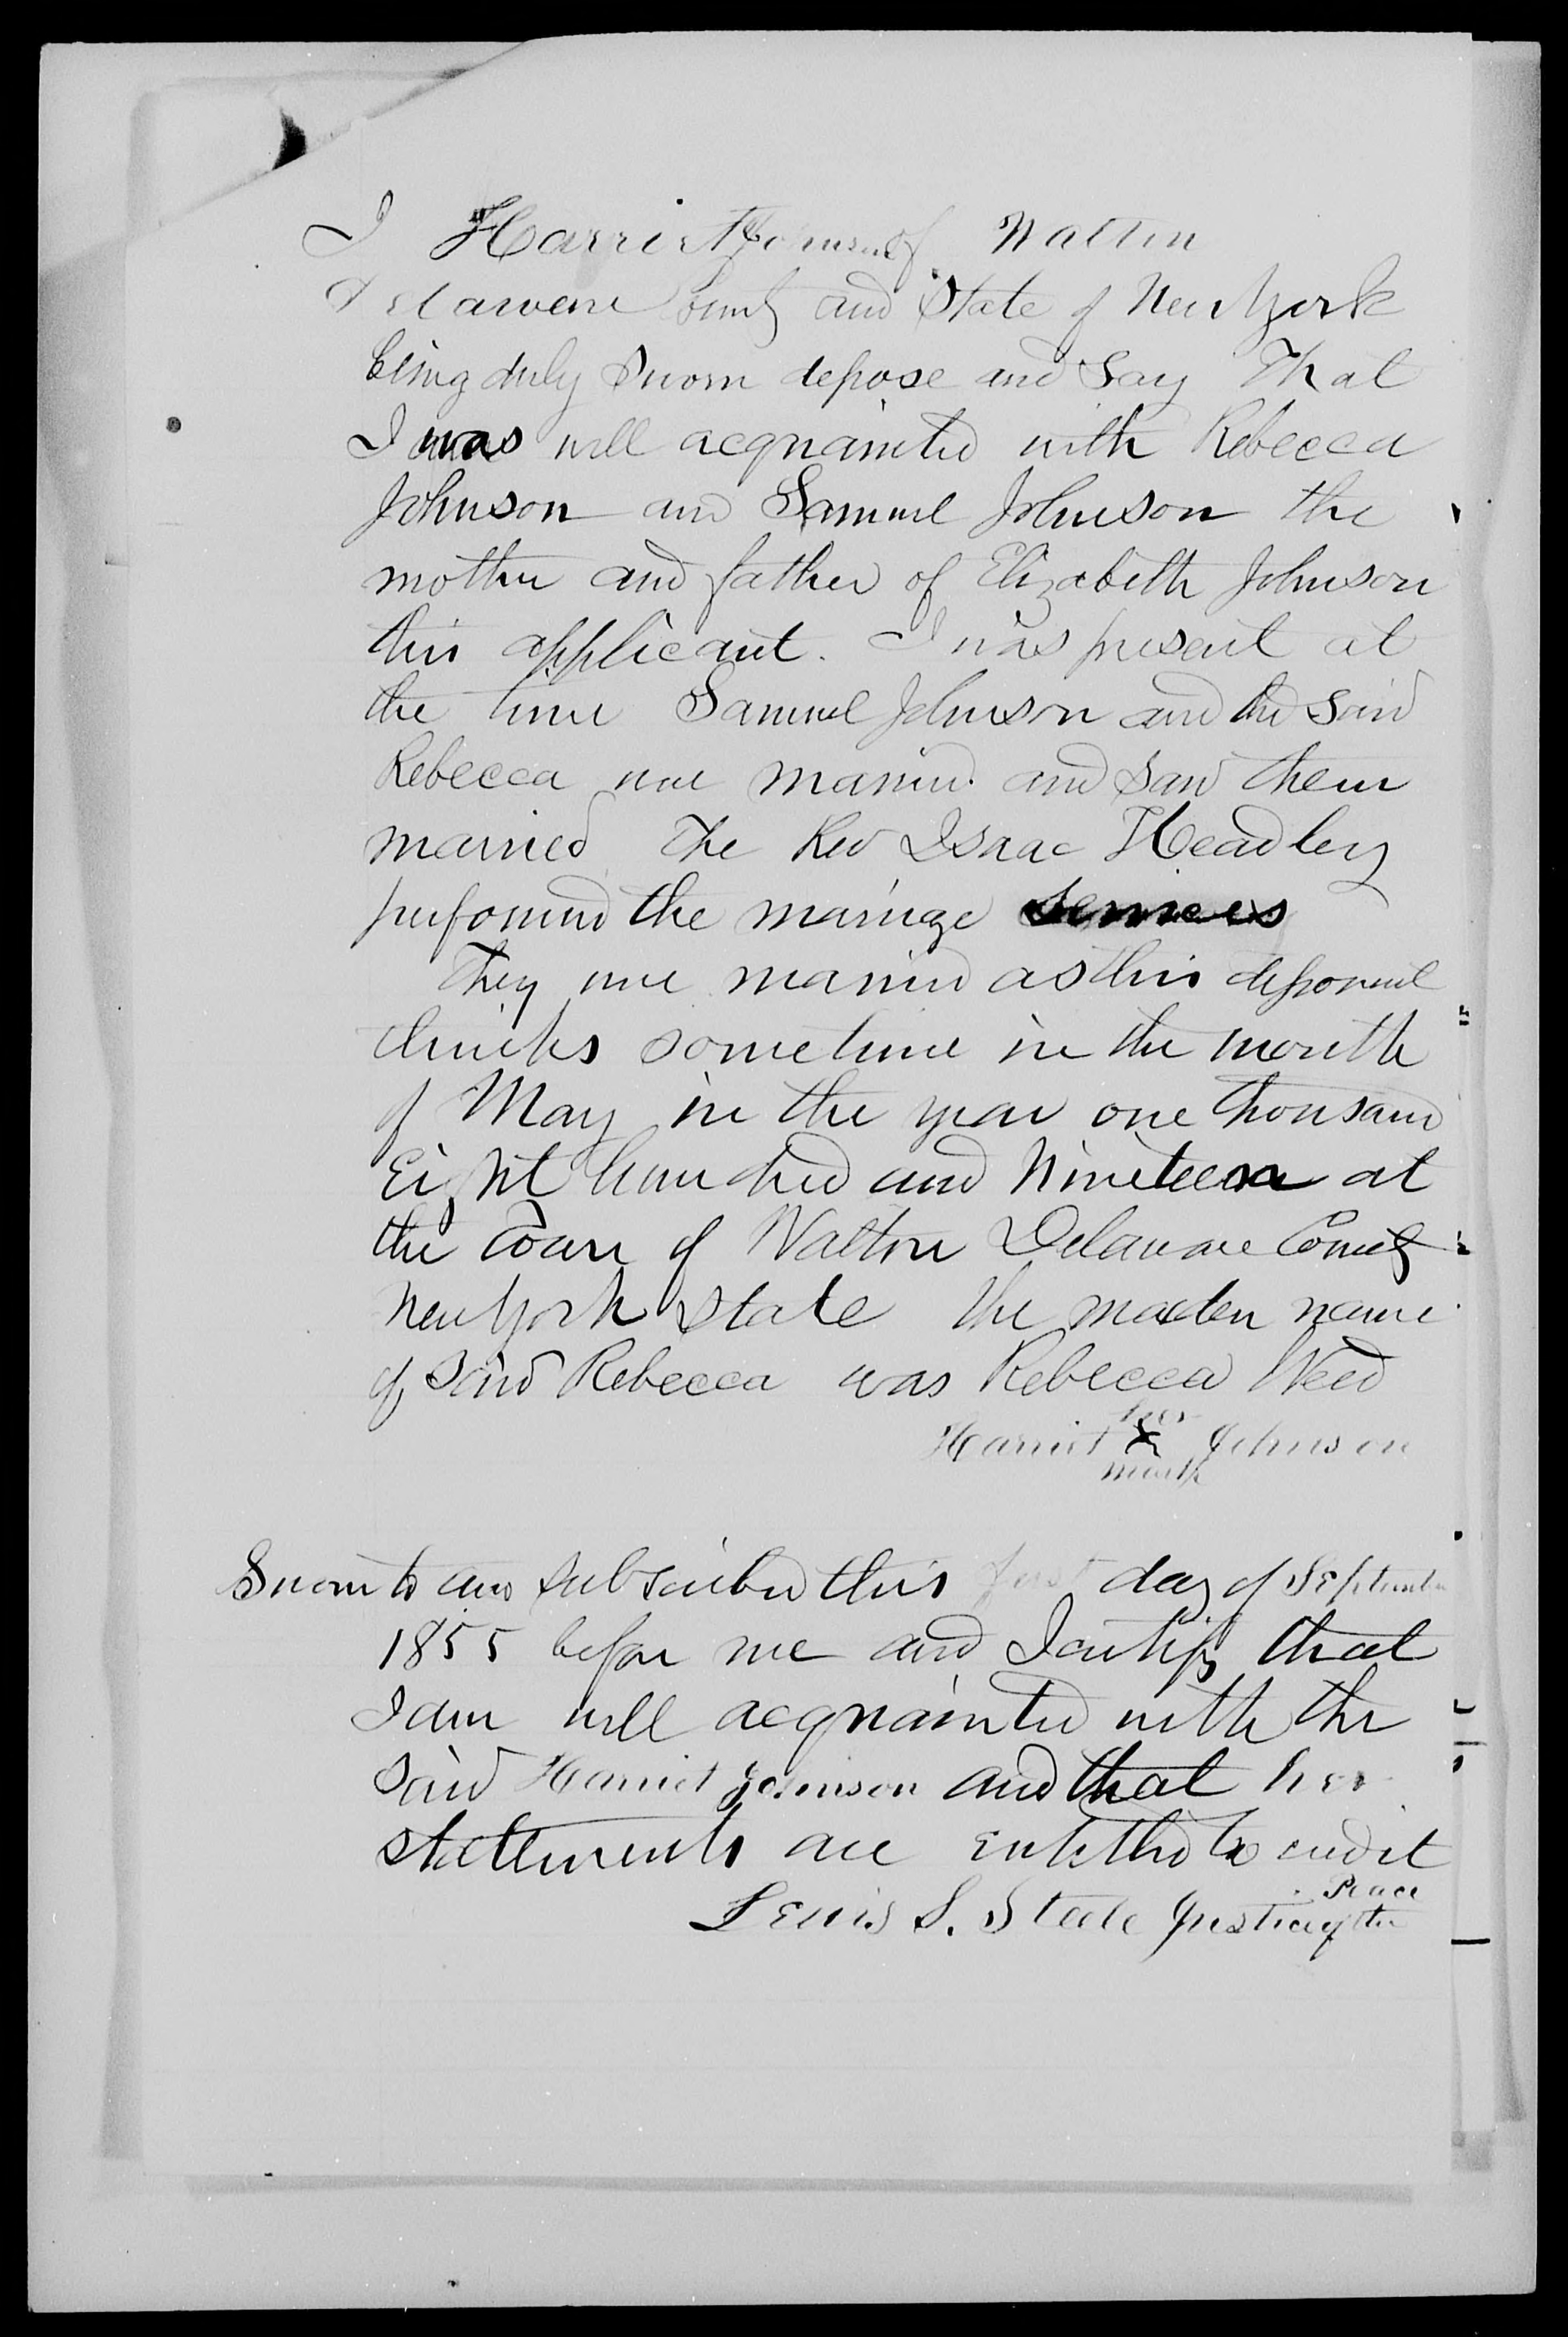I Harriet Johnson of Walton Delaware County and State of New York being duly sworn depose and say that I was well acquainted with Rebecca Johnson and Samuel Johnson the mother and father of Elizabeth Johnson this applicant.   I was present at the time Samuel Johnson and the said Rebecca were married and saw them Married.  The Rev. Isaac Headley performed the marriage services.   
They one married as this deponent thinks sometime in the month of May in the year one thousand Eight hundred and nineteen at the town of Walton Delaware County New York State.  The maiden name of said Rebecca was Rebecca Weed.  
Harriet Johnson x her mark 
Sworn to and subscribed this first day of September 1855 before me and if that I am well acquainted with the said Harriet Johnson and that her statements are entitled to credit 
Lewis S. Steele Justice of the Peace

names: Rebecca Weed; Elizabeth Johnson; Lewis S Steele; Harriet Johnson; Samuel Johnson; Rebecca Johnson; Isaac Headley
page: 19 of 43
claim: rejected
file: R. 5655, for Samuel Johnson, Connecticut